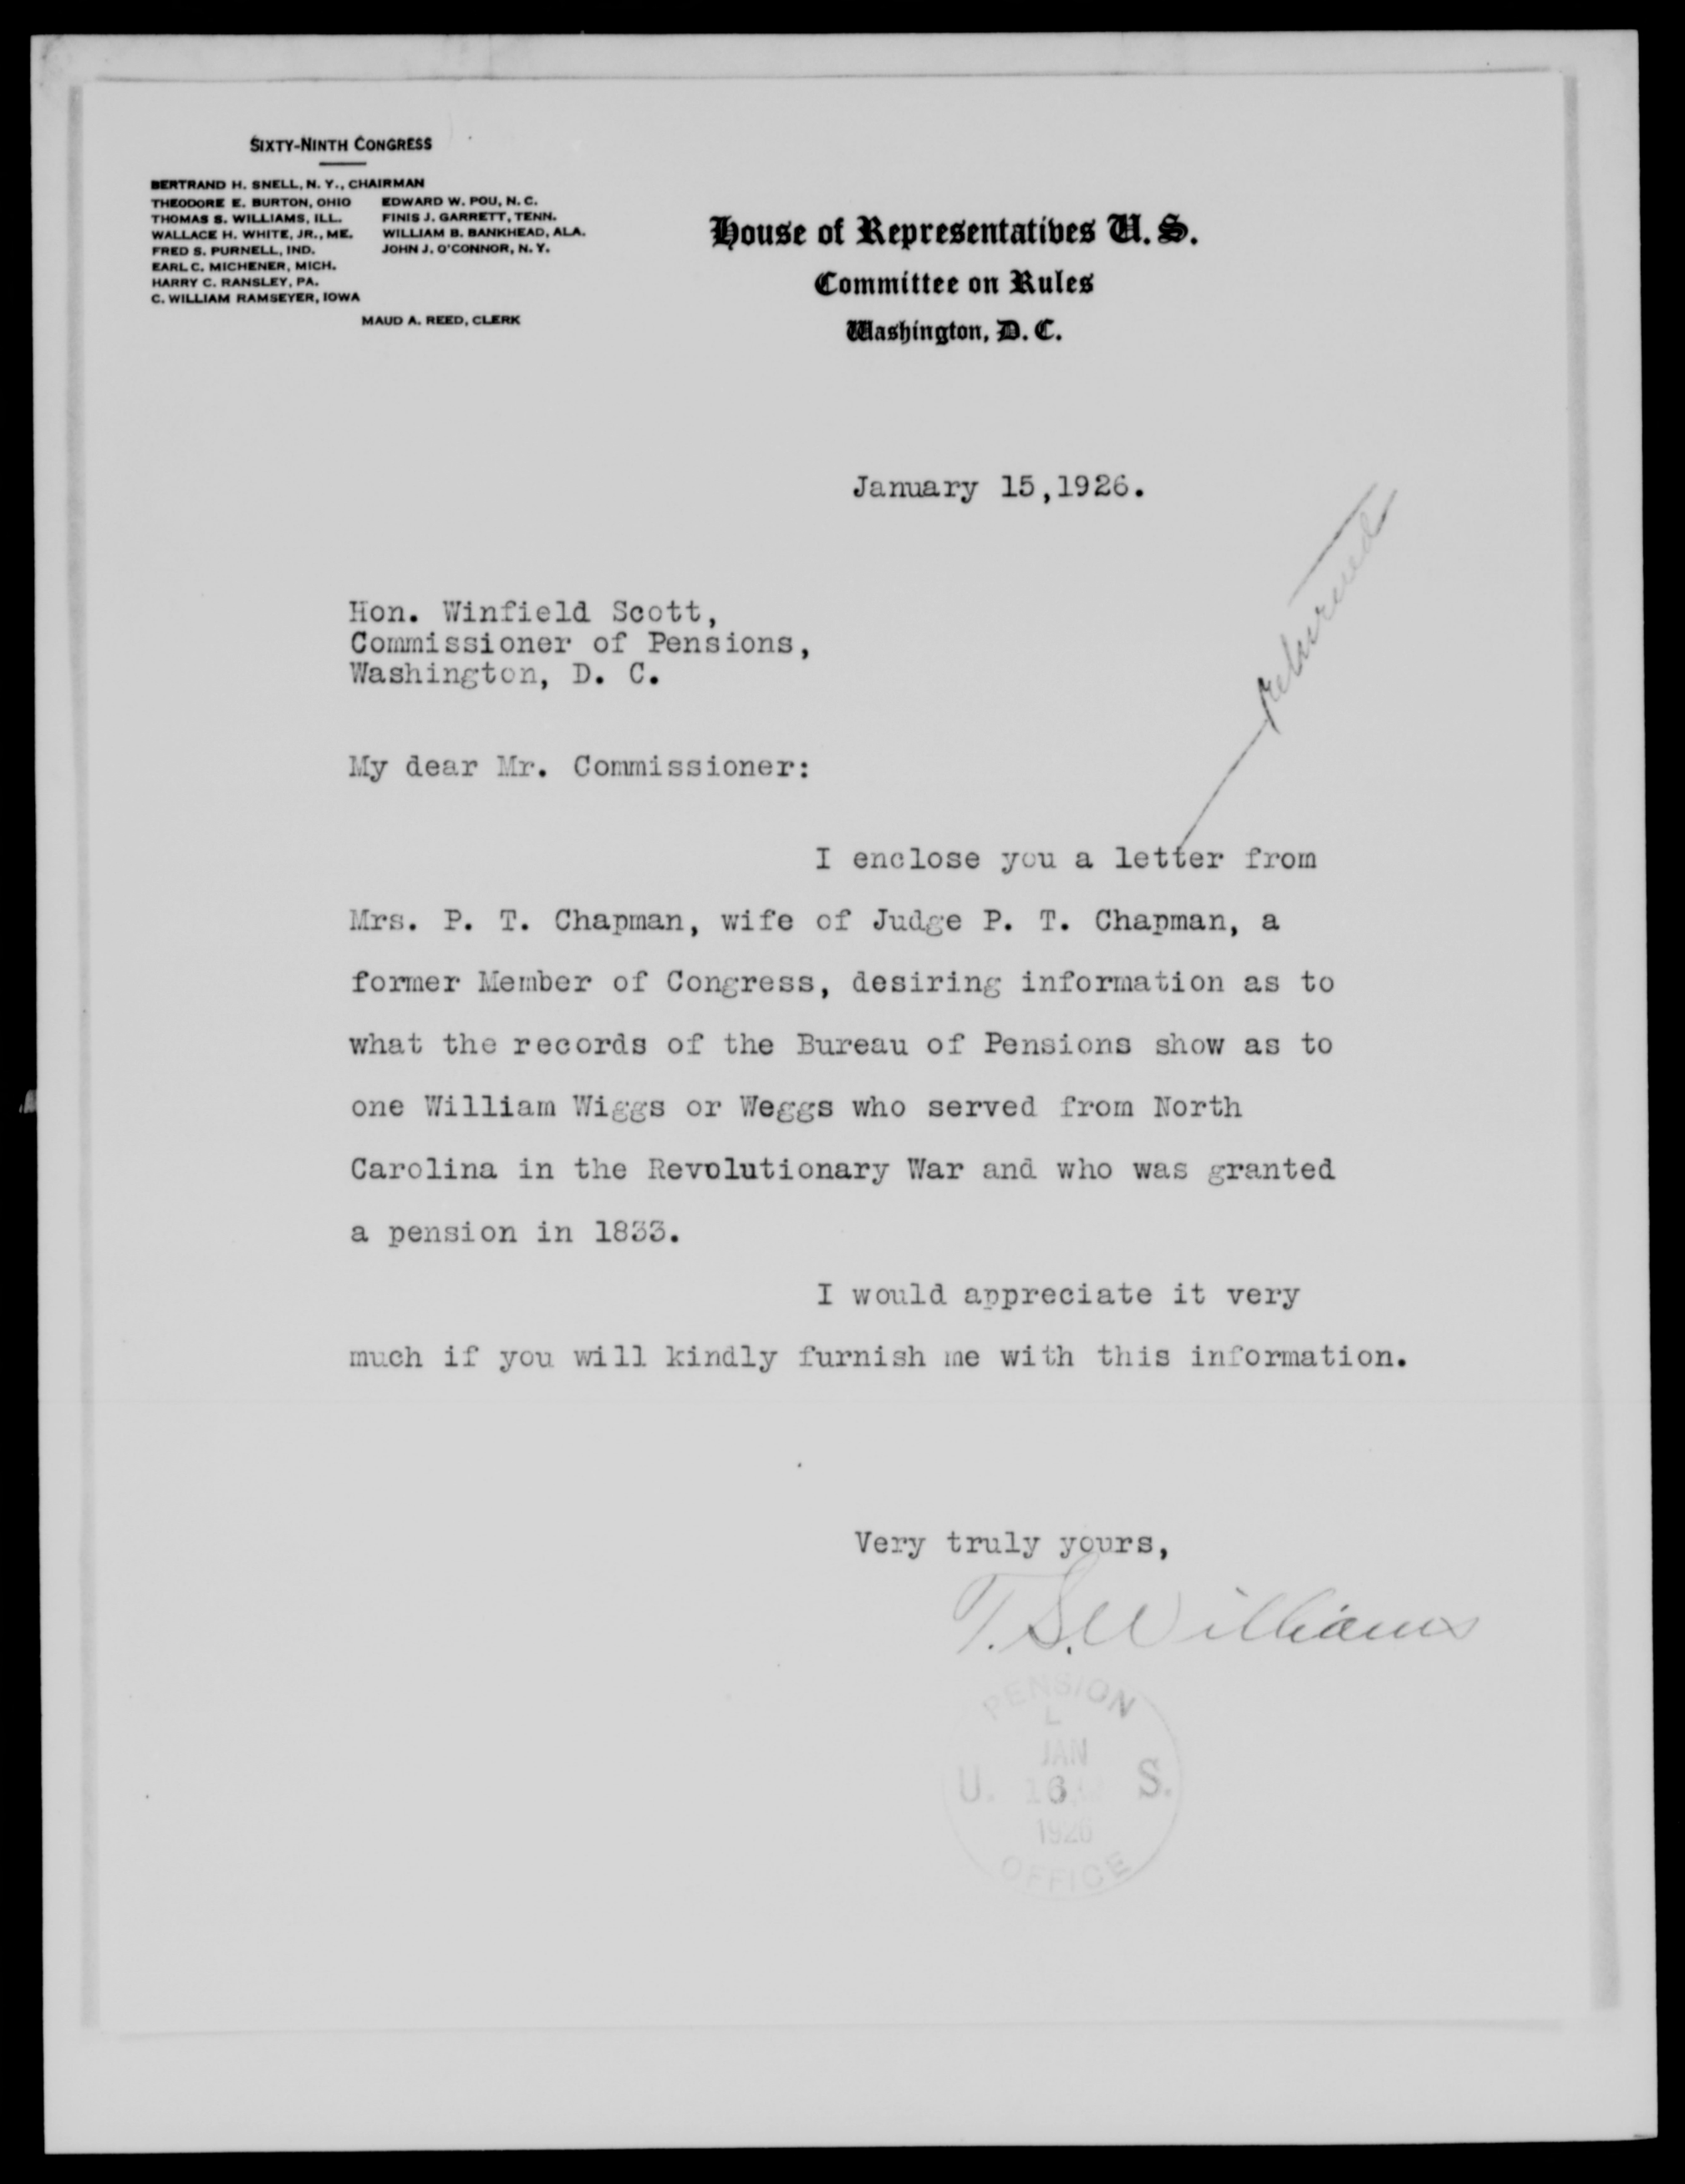SIXTY-NINTH CONGRESS 

BERTRAND M SNELL N. Y. CHAIRMAN
THEODORE E BURTON  OHIO
THOMAS S. WILLIAMS, ILL  ...........................EDWARD W. POU, N. C. 
WALLACE H. WHITE, JR. ME........................FINIS J. GARRETT, TENN ,
FRED S. PURNELL, IND ,,,,,,,,,,,,,,,,,,,,,,,,,,,,,,,,,WILLIAM B. BANKHEAD, ALA
EARL C. MICHENER, MICH. ,,,,,,,,,,,,,,,,,,,,,,,,,,,,JOHN J. O ' CONNOR, N. Y
HARRY C. RANSLEY, PA.
 C. WILLIAM RAMSEYER, IOWA
 
 MAUD A. REED, CLERK 

House of Representative U.S.
Committee on Rules
Washington, DC

January 15, 1926. 
Hon. Winfield Scott,
Commissioner of Pensions,
 Washington, D. C. Committee on Rules Washington, D.C. 

My dear Mr. Commissioner: 
   ................[HANDWRITTEN:   Returned]
I enclose you a letter from Mrs. P. T. Chapman, wife of Judge P. T. Chapman, a former Member of Congress, desiring information as to what the records of the Bureau of Pensions show as to one William Wiggs or Weggs who served from North Carolina in the Revolutionary War and who was granted a pension in 1833.

 I would appreciate it very much if you will kindly furnish me with this information.

 Very truly yours,  
T.S. Williams 
[stamp: PENSION OFFICE].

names: Earl C Michener, William S Bankhead, Bertrand H Snell, P T Chapman, Maud A Reed, Harry C Ransley, Theodore K Burton, Finis J Garrett, Thomas S Williams, Fred S Purnell, C William Ramseyer, William Wiggs, Winfield Scott, Edward W Pou, Wallace H White, T S Williams, John J O'Connor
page: 24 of 31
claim: survivor's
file: S. 32608, William Wiggs, N.C.